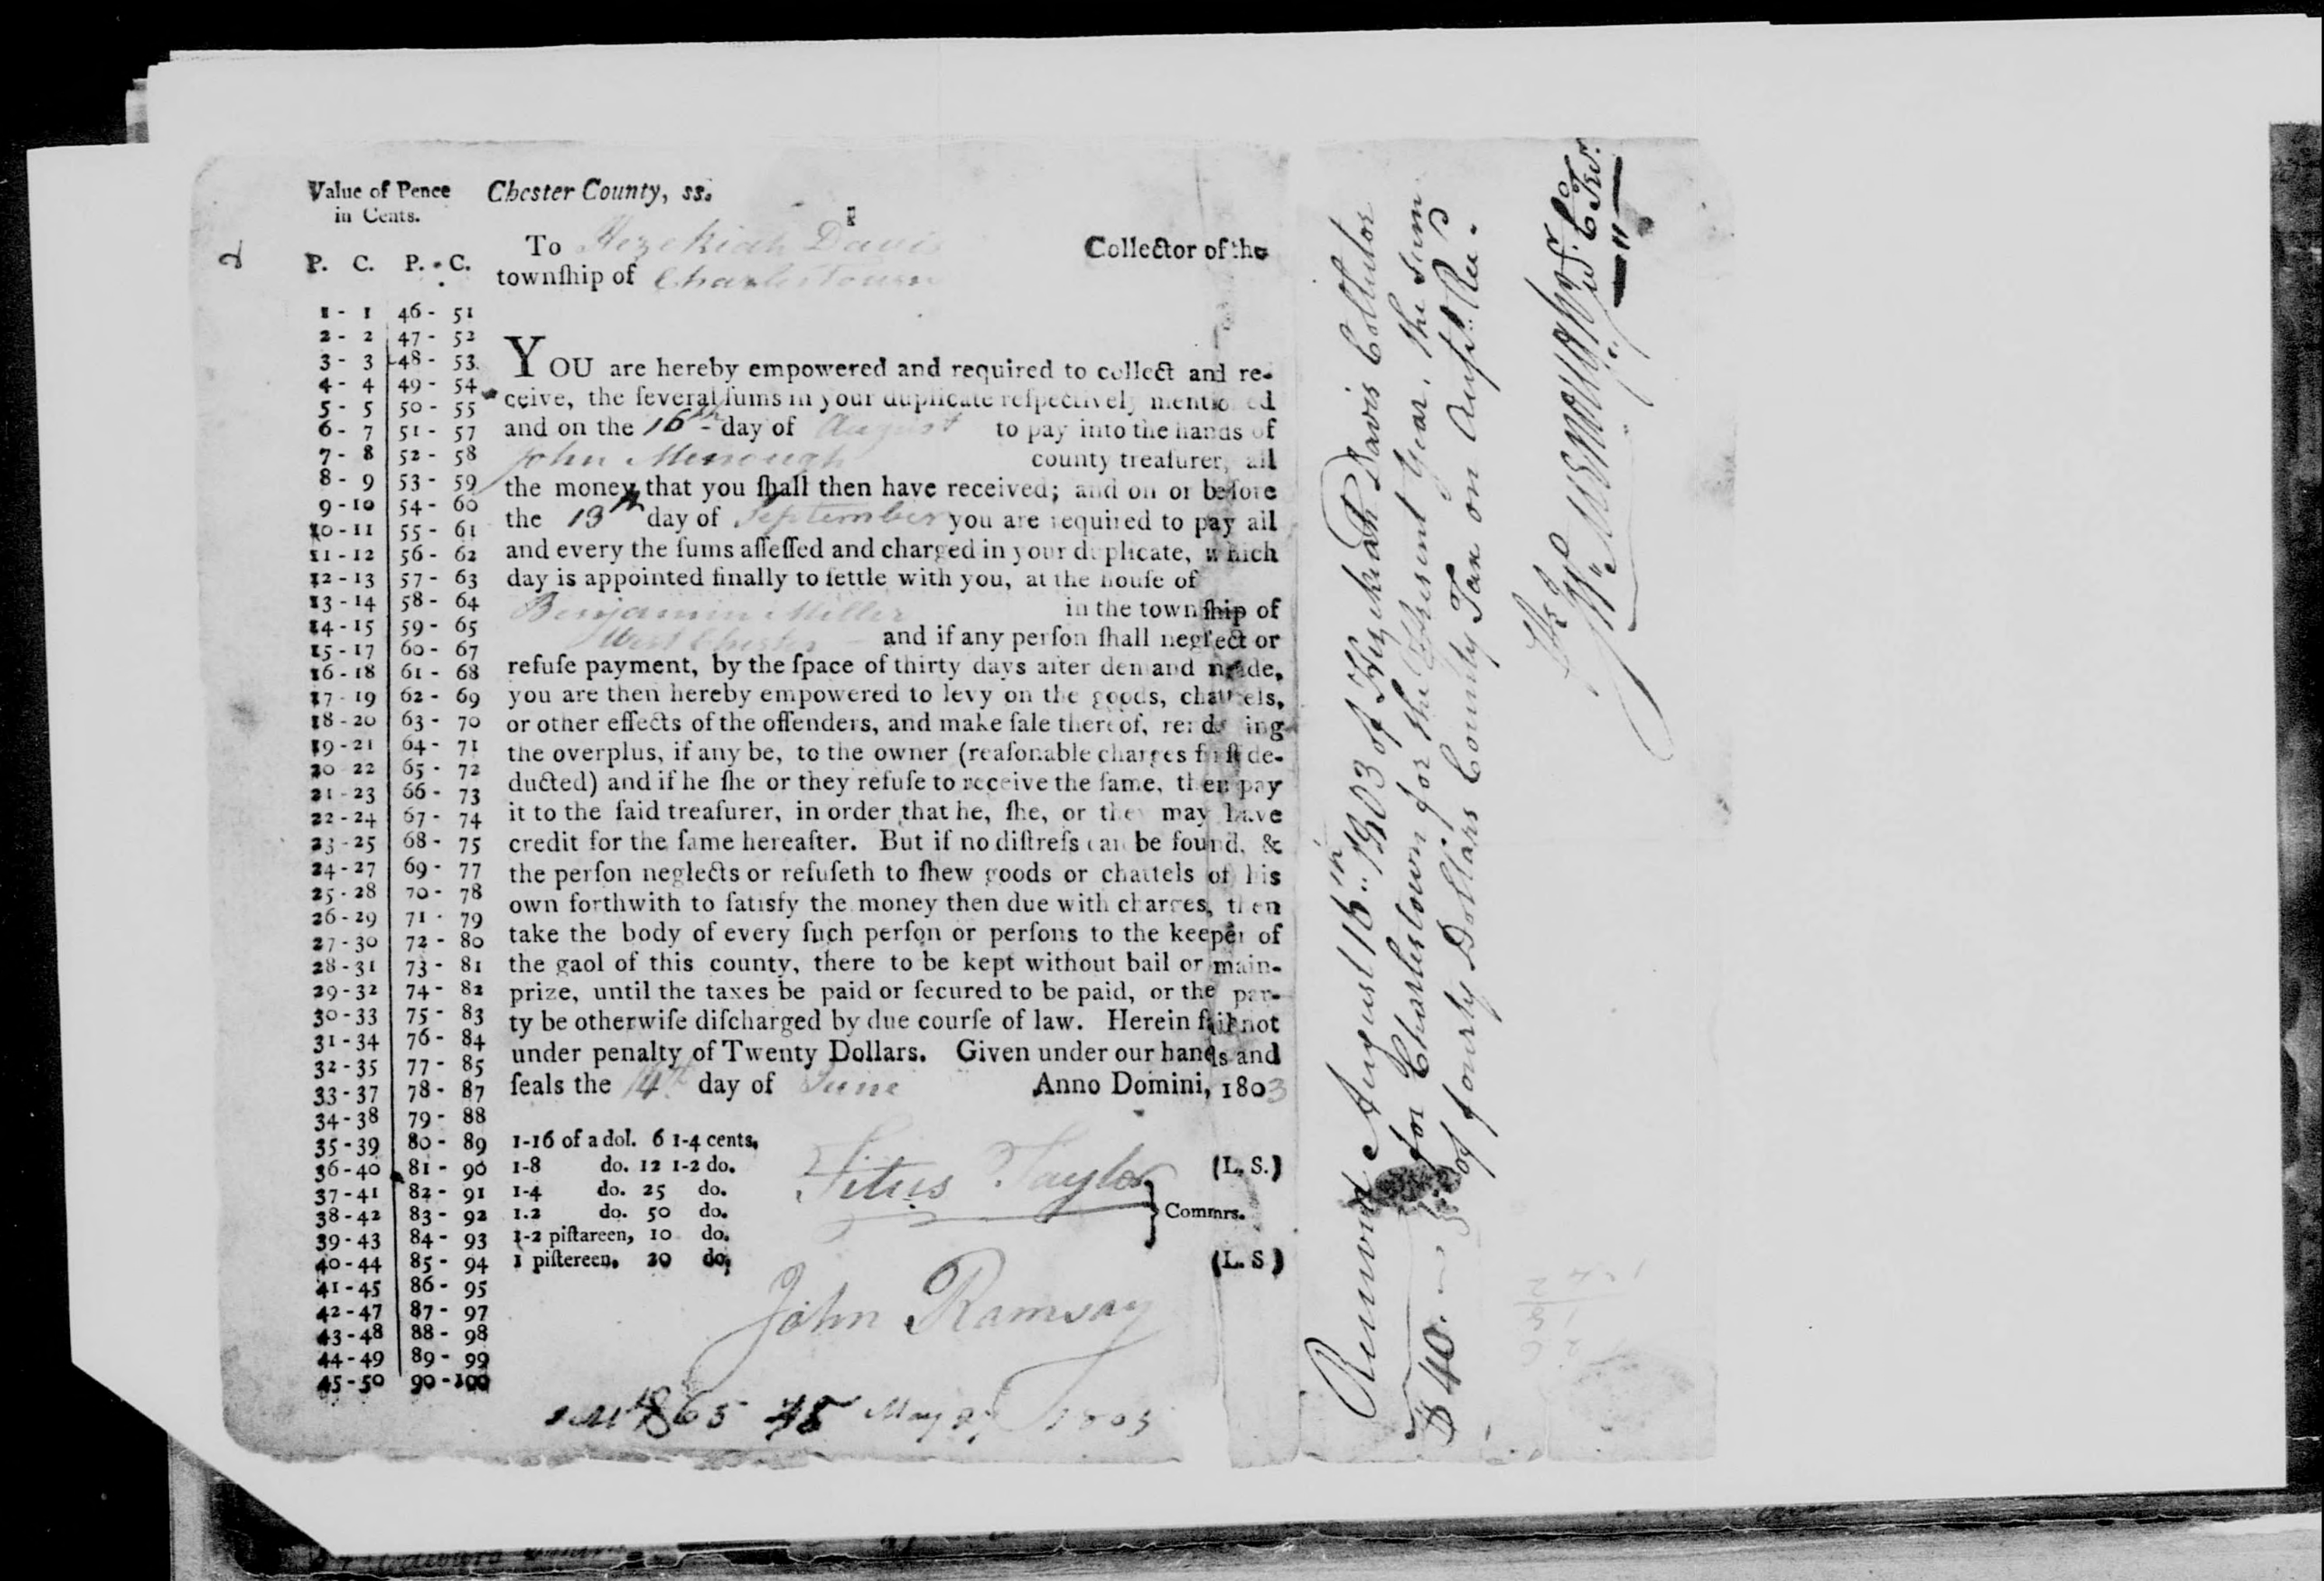[table in left margin] Value of Pence in Cents. 
P. C. | P.-C.
1-1 | 46-51
2-2 | 47-52
3-3 | 48-53
4-4 | 49-54
5-5 | 50-55
6-7 | 51-57
7-8 | 52-58
8-9 | 53-59
9-10 | 54-60
10-11 | 55-61
11-12 | 56-62
12-13 | 57-63
13-14 | 58-64
14-15 | 59-65
15-17 | 60-67
16-18 | 61-68
17-19 | 62-69
18-20 | 63-70
19-21 | 64-71
20-22 | 65-72
21-23 | 66-73
22-24 | 67-74
23-25 | 68-75
24-27 | 69-77
25-27 | 70-78
26-29 | 71-79
27-30 | 72-80
28-31 | 73-81
29-32 | 74-82
30-33 | 75-83
31-34 | 76-84
32-35 | 77-85
33-37 | 78-87
34-38 | 79-88
35-39 | 80-89
36-40 | 81-90
37-41 | 82-91
38-42 | 83-92
39-43 | 84-93
40-44 | 85-94
41-45 | 86-95
42-47 | 87-97
43-48 | 88-98
44-49 | 89-99
45-50 | 90-100
1-16 of a dol. 6 1-4 cents, 
1-8 do. 12 1-2 do.
1-4 do. 25 do. 
1-2 do. 50 do.
1-2 pistareen, 10 do. 
1 pistereen, 20 do. 

Chester County, ss. 
To Hezekiah Davis Collector of the 
township of Charlestown 
YOU are hereby empowered and required to collect and receive
the several sums in your duplicate respectively mentioned and on the 16th day of August to pay into the hands of John Menough county treasurer, all the money that you shall then have received; and on or before
the 13th day of September you are required to pay all and every the sums assessed and charged in your duplicate, which
day is appointed finally to settle with you, at the house of Benjamin Miller in the township of West Chester and if any person shall neglect or
refuse payment, by the space of thirty days after den and made,
you are then hereby empowered to levy on the goods, chattels,
or other effects of the offenders, and make sale thereof, re: during
the overplus, if any be, to the owner (reasonable charges for deducted) and if he she or they refuse to receive the same then pay it to the said treasurer, in order that he, she, or they may have credit for the same hereafter. But if no distress can be found & the person neglects or refuseth to shew goods or chattels of
own forthwith to satisfy the money then due with charges, then
take the body of every such person or persons to the keeper of
the gaol of this county, there to be kept without bail or mainprize, until the taxes be paid or secured to be paid, or the party
be otherwise discharged by due course of law. Herein fail not
under penalty of Twenty Dollars. Given under our hands and
seals the 14th day of June
Anno Domini, 1803
Titus Taylor {L.S.}
John Ramsay {L.S.} Commrs. 
$65 45 May 27 1803
[written perpendicular to text above in right margin] 
Received August 16th 1803 of Hezekiah Davis Collector for Charlestown for the present year. $40 the sum or fourty Dollars County Tax on Anfit Rec?
The JW Menough S. Co Ters.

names: Hezekiah Davis, Benjamin Miller, Jno Menough, Hezekiah Davis, John Menough, John Ramsay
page: 16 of 57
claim: survivor's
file: S. 2161, Hezekiah Davies, Penn